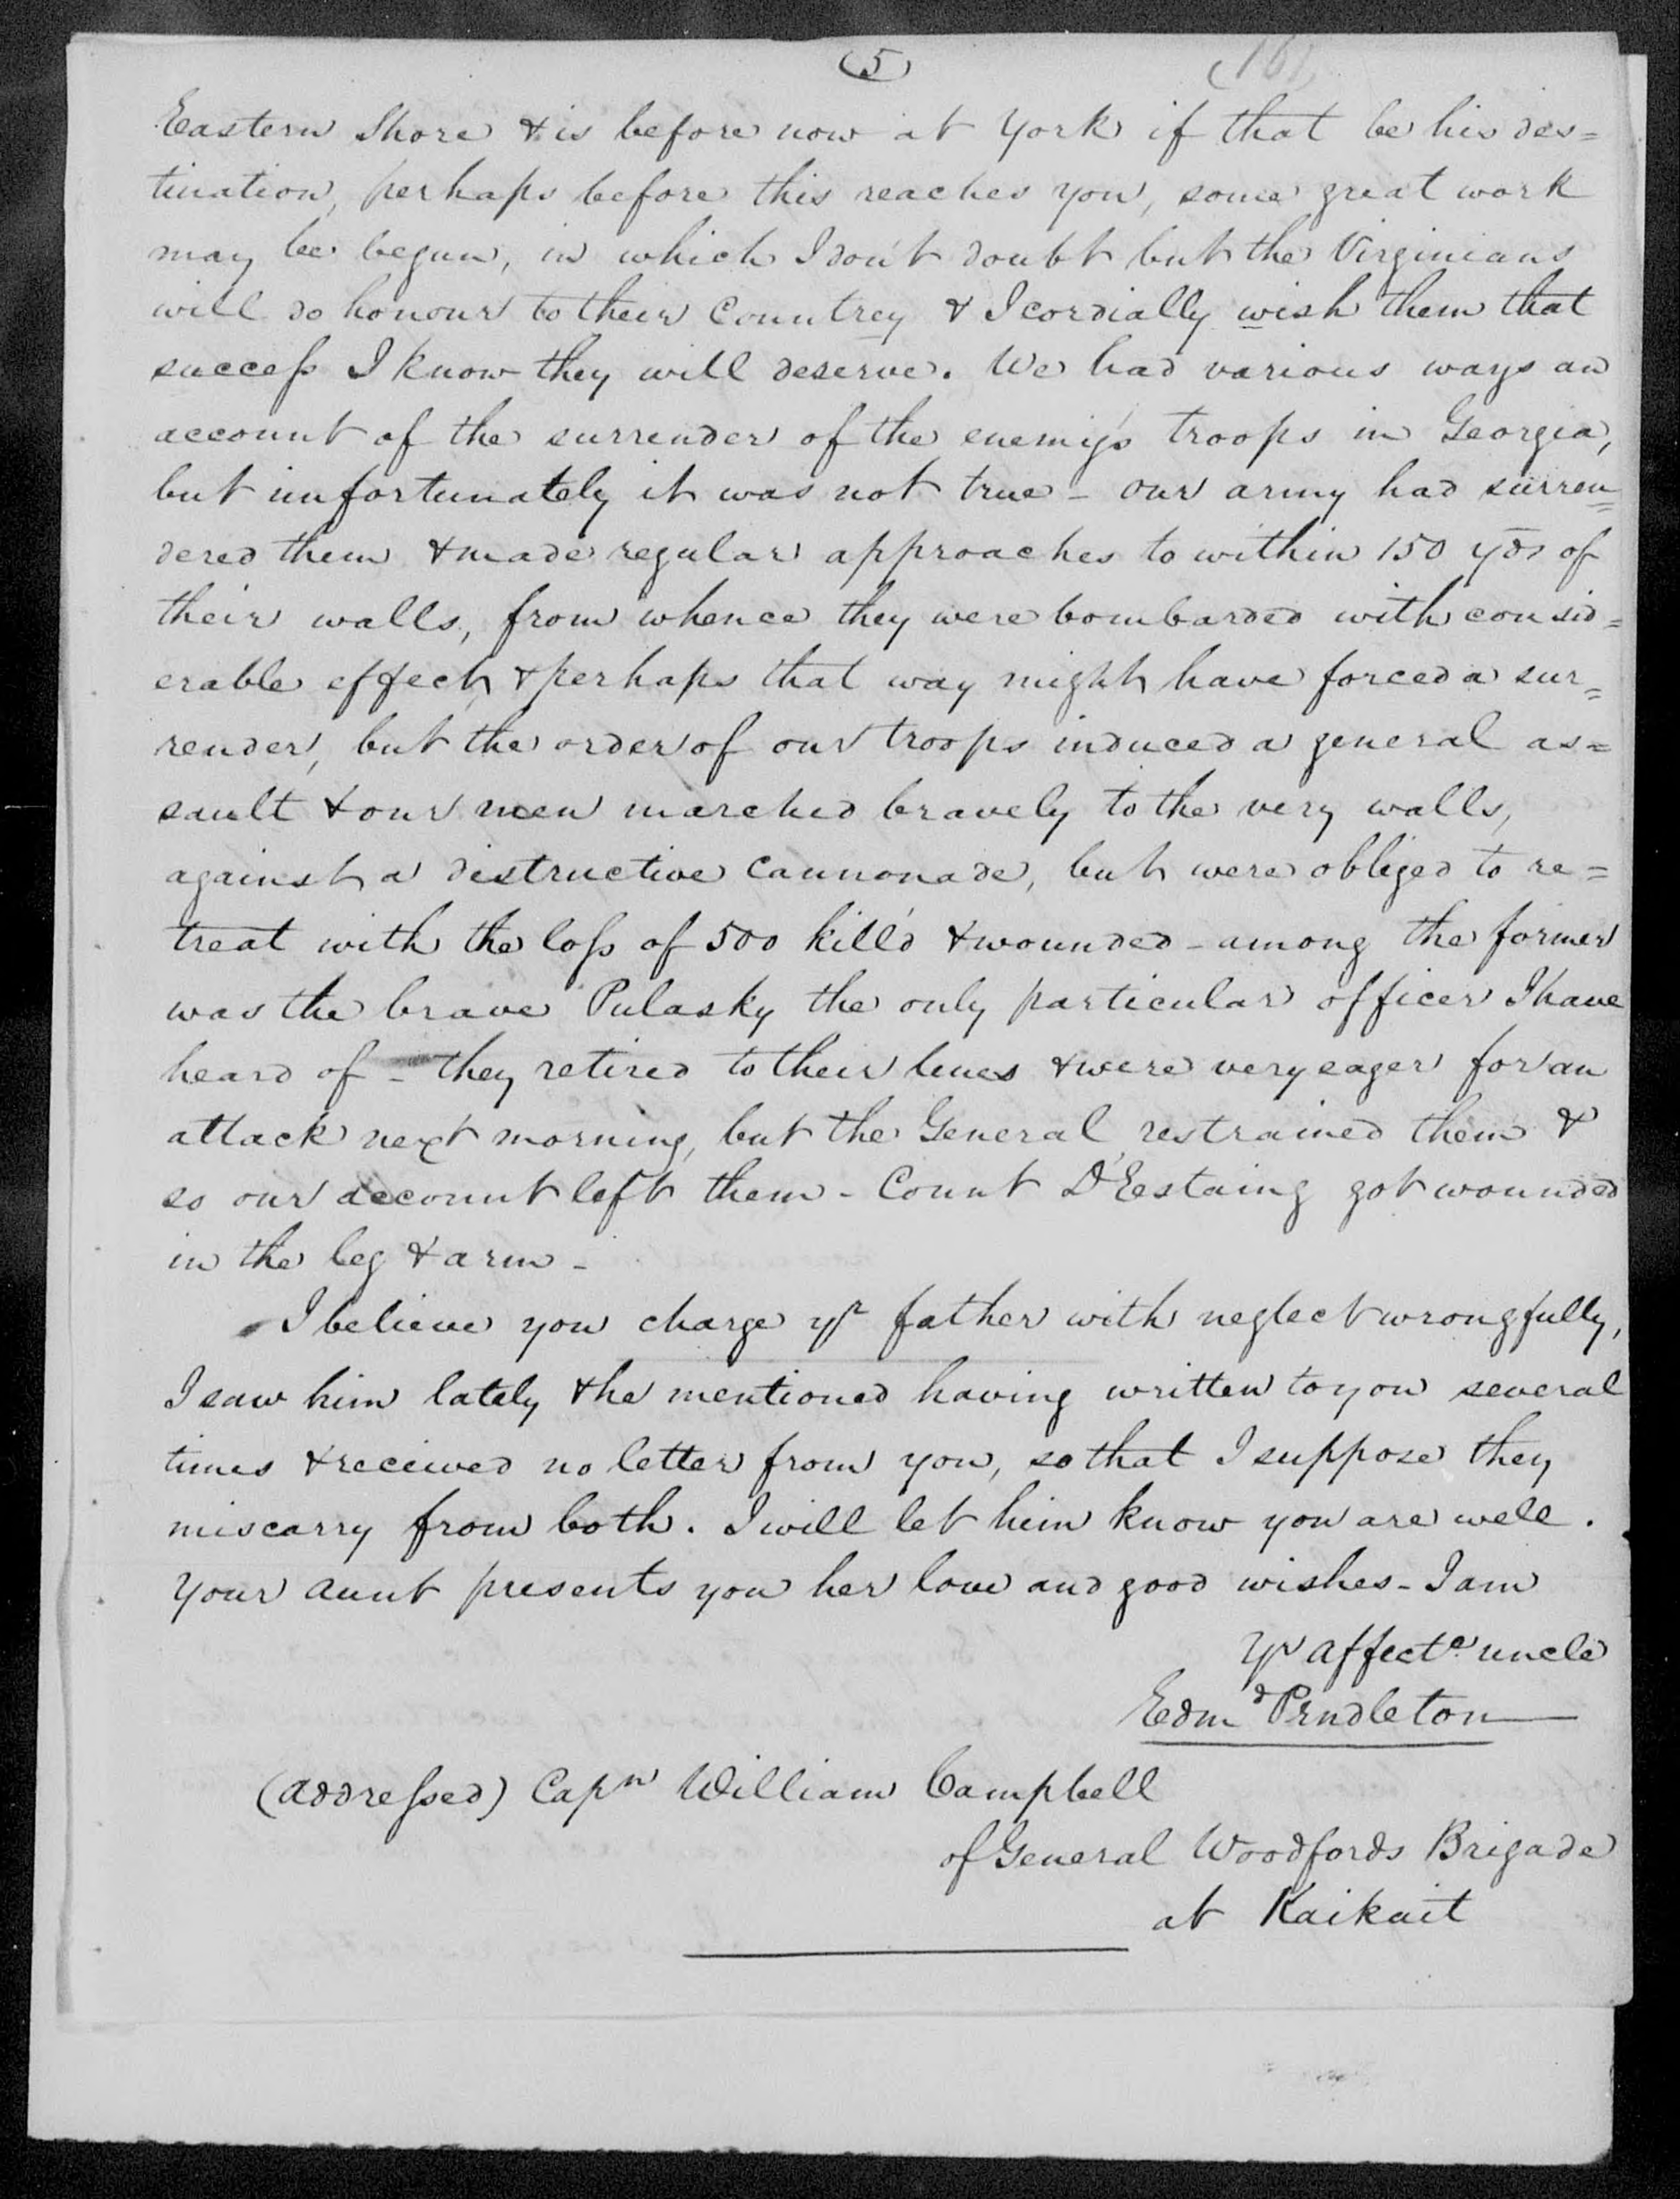(5)      (161)
Eastern Shore +[and] is before now at York if that be his destination, perhaps before this reaches you , some great work may be begun, in which I don't doubt but the Virginians will do honour to their country +[and] I cordially wish them that success I know they will deserve. We had various ways an account of the surrender of the enemy's troops in Georgia, but unfortunately it was not true -- our army had surrounded them +[and] made regular approaches to within 150 yds of their walls, from whence they were bombarded with considerable effect +[and] perhaps that way might have forced a surrender, but the order of our troops induced a general assault +[and] our men marched bravely to the very walls, against a distructive cannonade, but were obliged to retreat with the loss of 500 kill'd +[and] wounded - among the former was the brave Pulasky the only particular officer I have heard of -- they retired to their lines +[and] were very eager for an attack next morning, but the General restrained them +[and] so our decount left them - Count D'Estaing got wounded in the leg +[and] arm -
I believe you charge yr father with neglect wrongfully, I saw him lately +[and] he mentioned having written to you several times +[and] received no letter from you, so that I suppose they miscarry from both. I will let him know you are well. Your Aunt presents you her love and good wishes - I am 
Yr affecte uncle
Edmd Pendleton
(addressed) Capn William Campbell
of General Woodfords Brigade at Kaikait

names: Edmd Pendleton, William Campbell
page: 7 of 267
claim: widow's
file: W. 4,149, William Campbell, Va.